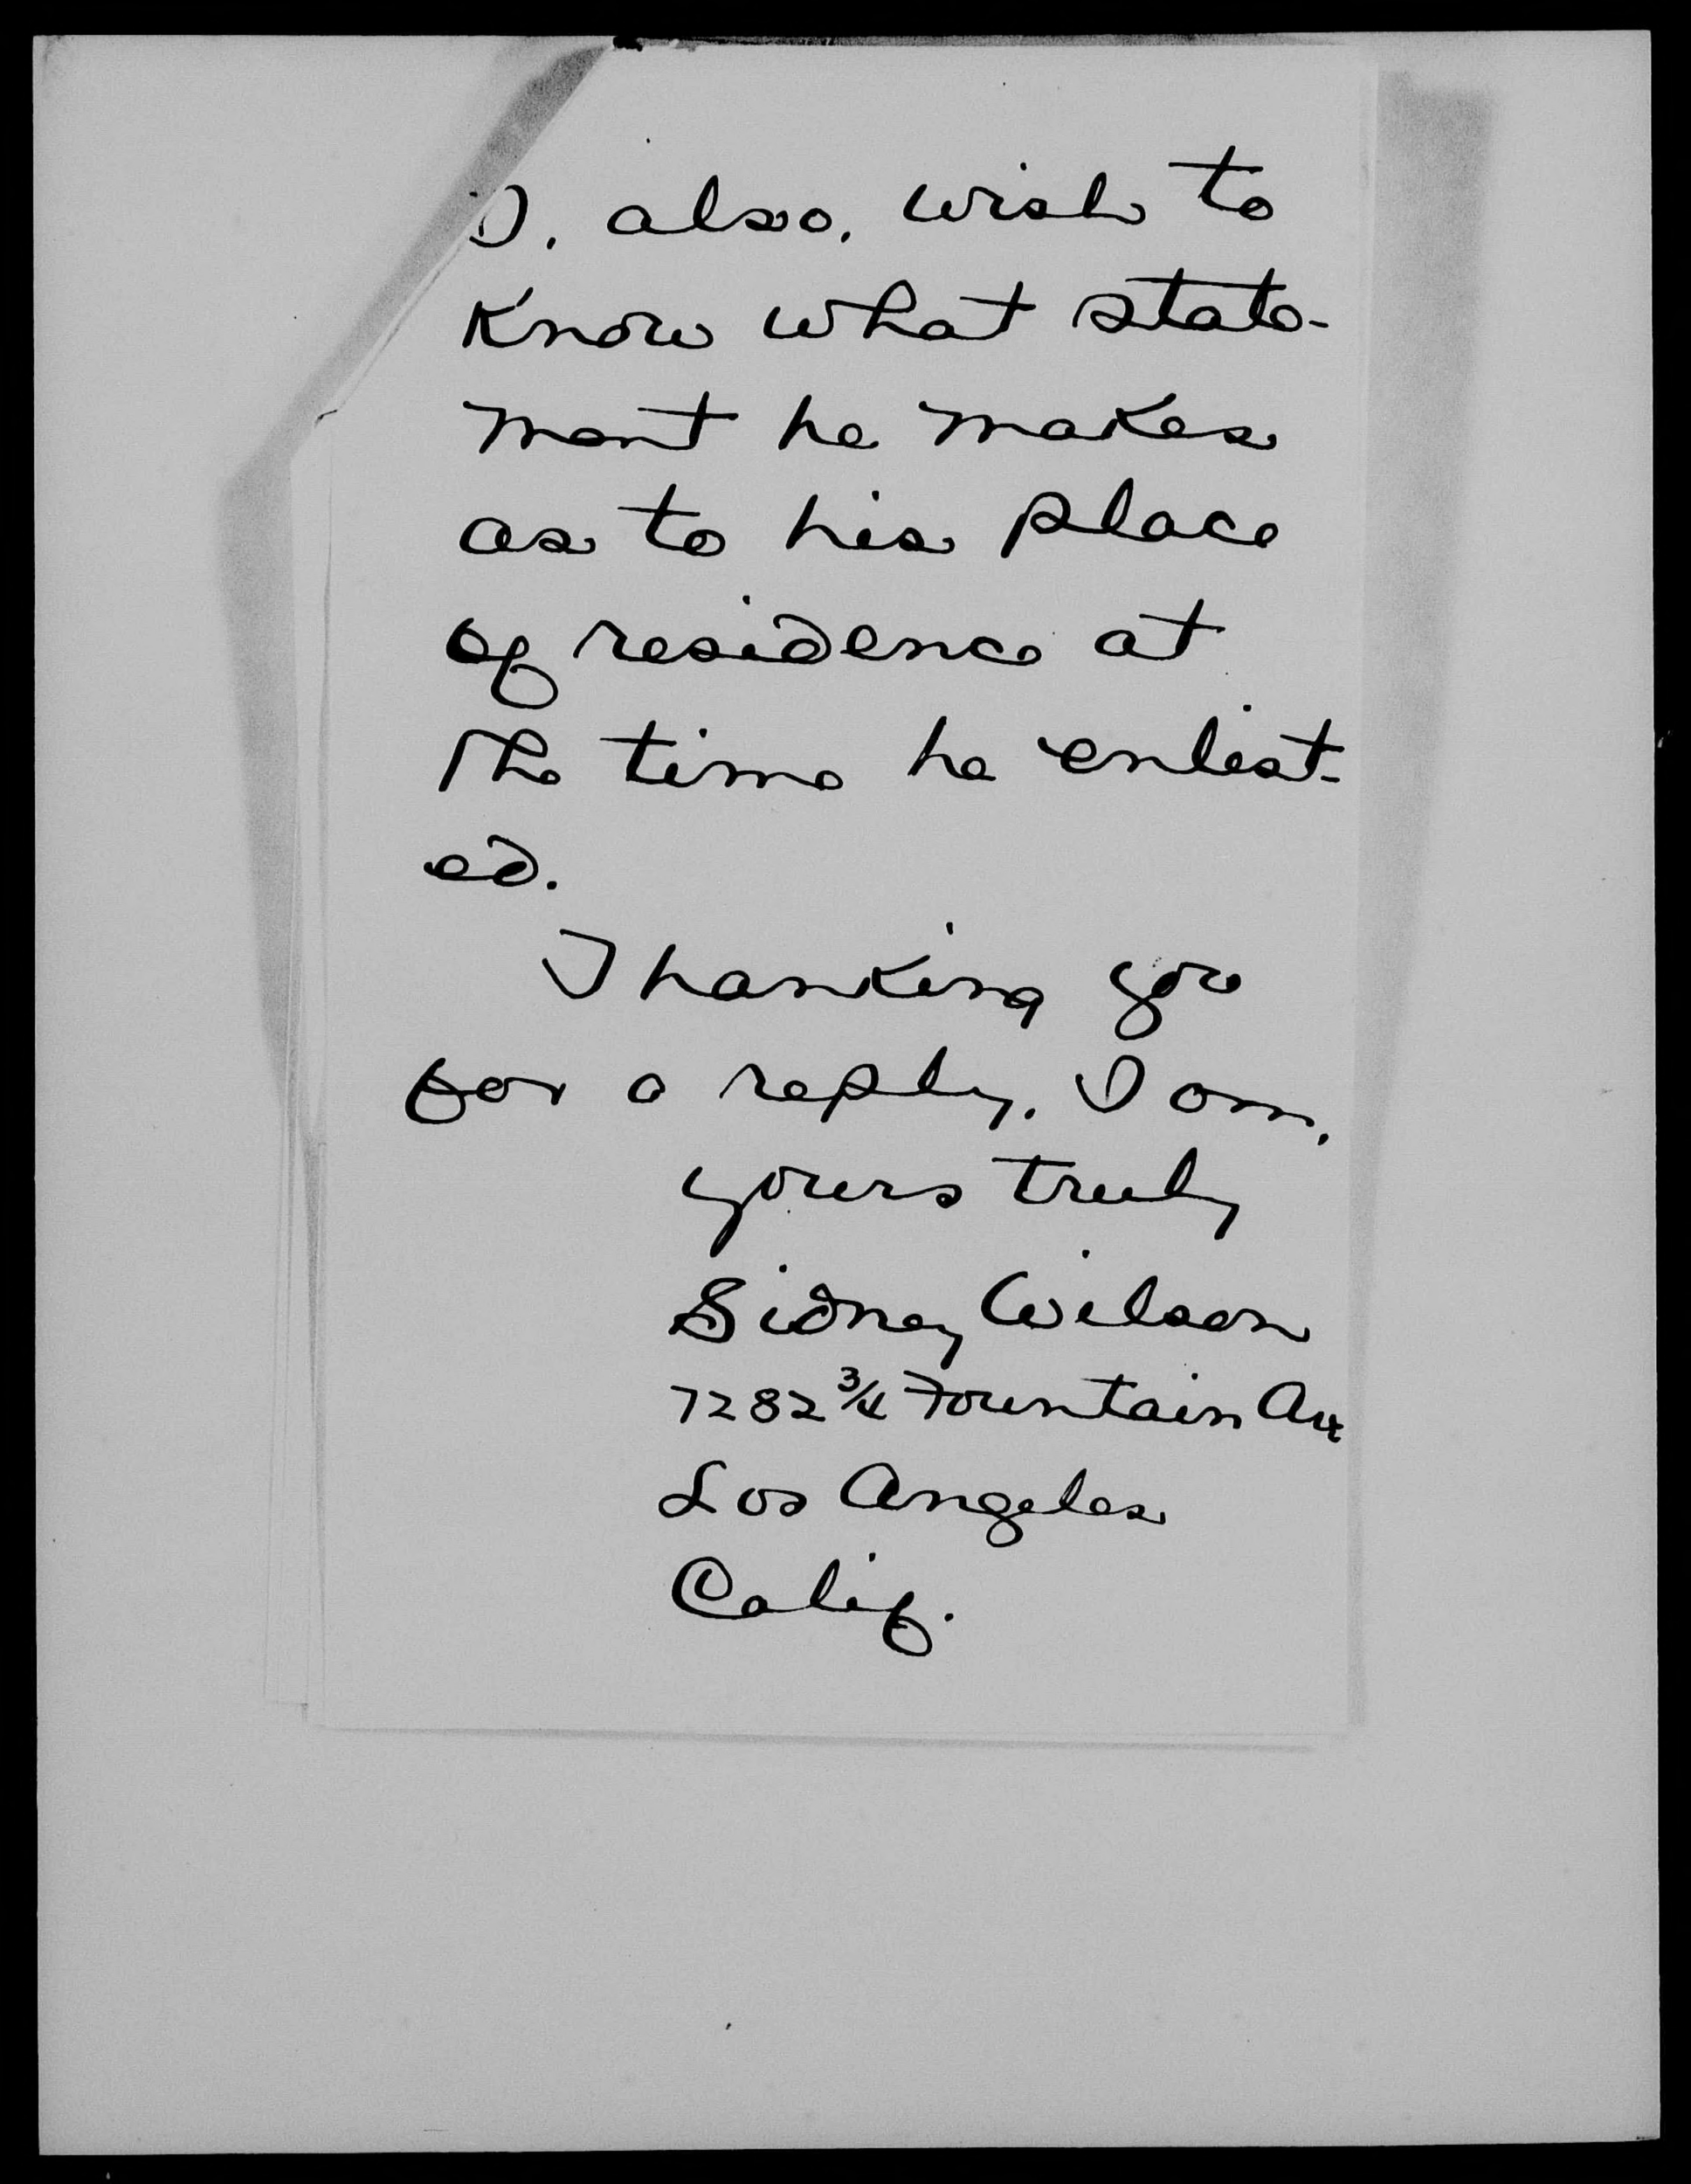Also wish to know what statement he makes as to his place of residence at the time he enlisted.
Thanking you for a reply I am yours truly
Sidney Wilson
7282 3/4 Fountain Ave
Los Angeles
California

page: 19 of 21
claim: survivor's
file: S. 41223, for Joseph Sutton, Virginia